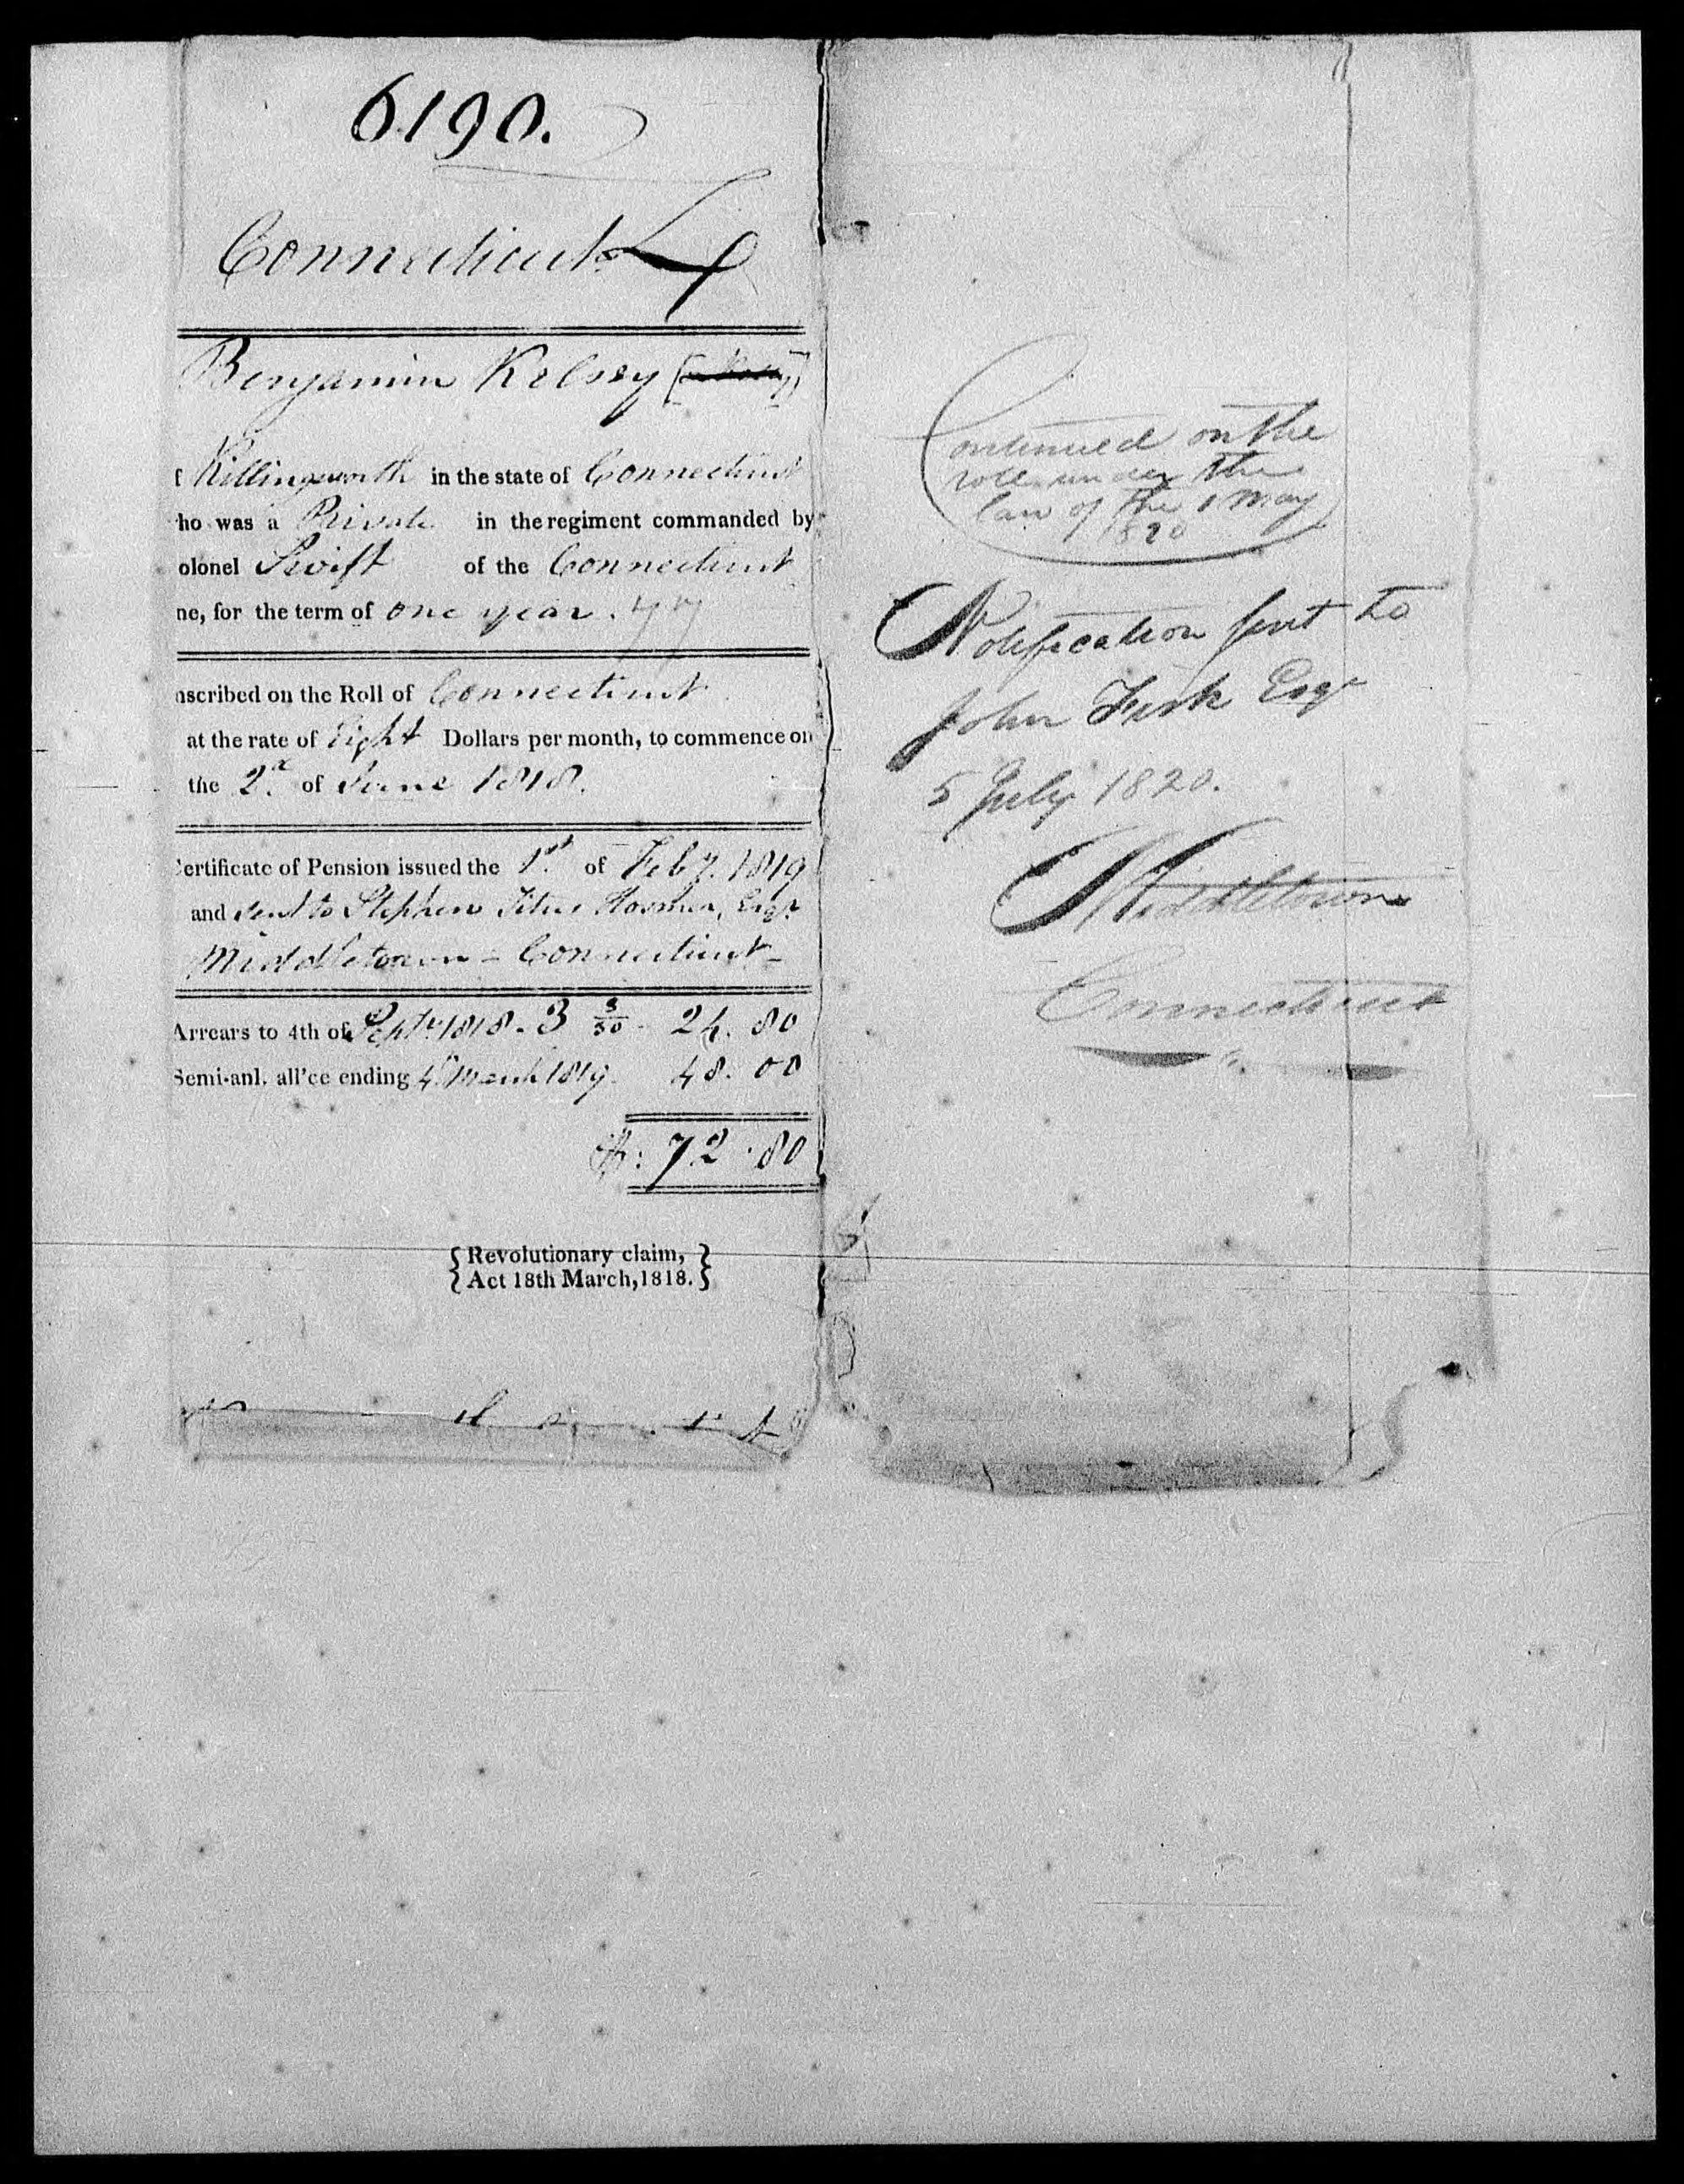6190
Connecticut 4
Benjamin Kelsey
of Killingworth in the state of Connecticut who was a Private in the regiment commanded by Colonel Swift of the Connecticut lien for the term of one year ‘77
Inscribed in the Roll of Connecticut at the rate of Eight Dollars per month, to commence on the 2d of June 1818
Certificate of Pension issued the 1st of Feby 1819 and sent to Stephen Titus Hosmer, Esqr Middletown Connecticut
Arrears to the 4th of Septr 1818 3 3/30    24.80
Semi-anl all’ce ending 4th March 1819  48.00
$72.80
{Revolutionary Claim, Act 18th March 1818}
Continued on the roll under the law of 1 May 1820
Notification sent to John Fisk Esqr
5 July 1820
Middletown, Connecticut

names: Stephen Titus; Benjamin Kelsey; John Fisk; [BLANK] Swift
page: 2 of 21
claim: survivor's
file: S. 36676, for Benjamin Kelsey, Connecticut